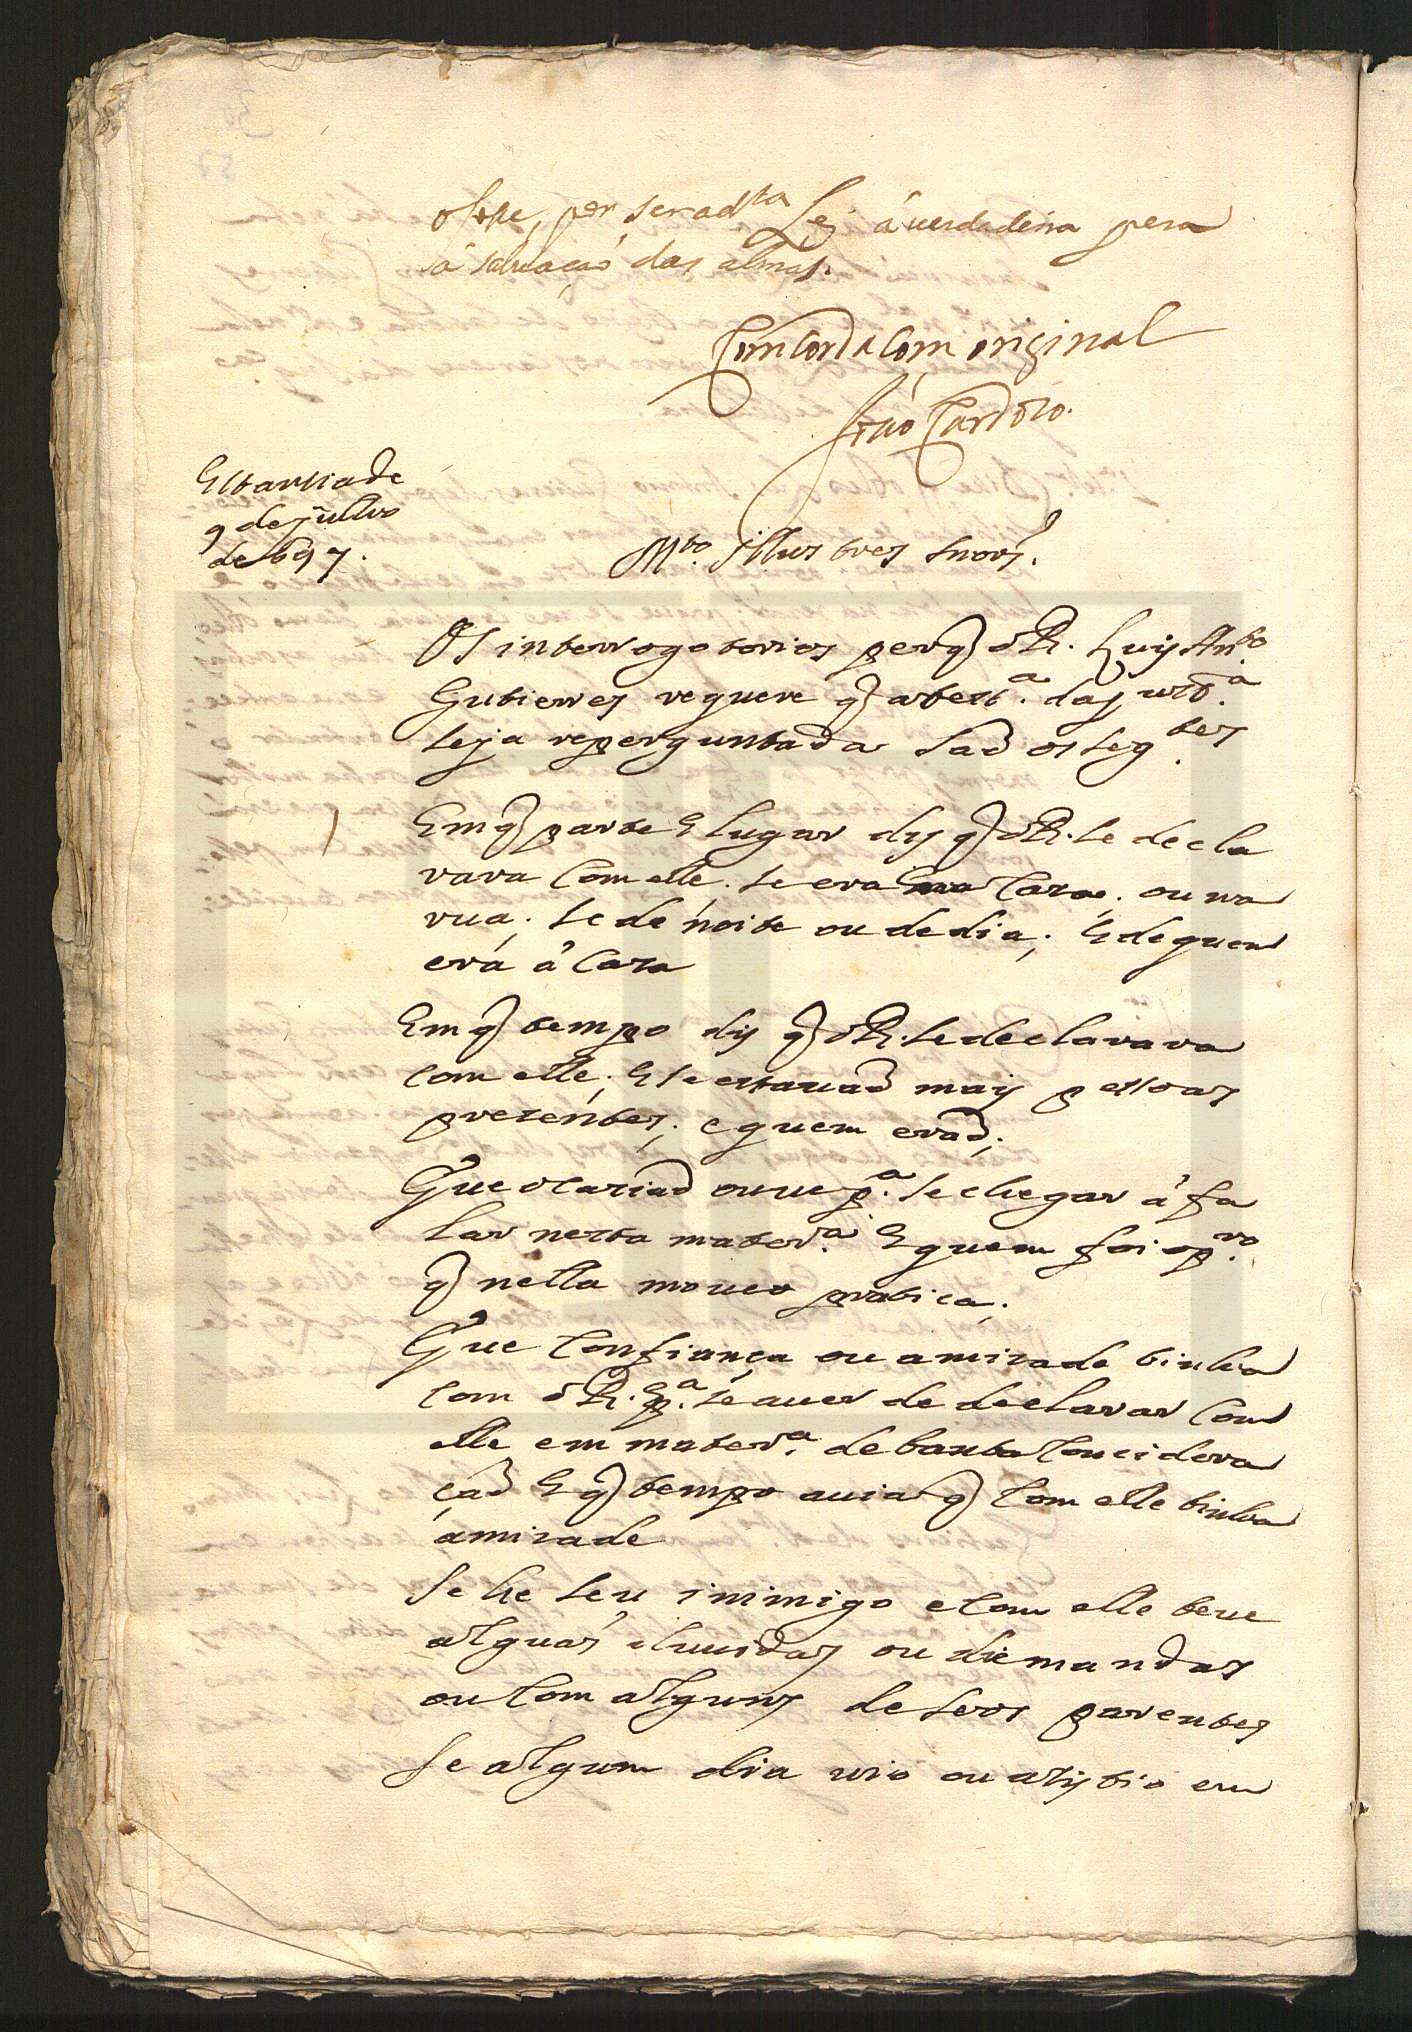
o fosse, por ser a dta Lej á uerdadeira pera
á saluaçaõ das almas.
Comcorda com original
Mto. Illustres Snores̄.
Os interrogatorios per q̄ o R. Luis Anto.
Gutierres requere q̄ a testa. da just.a
seja reperguntada saõ os seg.tes
1 Em q̄ parte E lugar dis q̄ o R. se decla
rava Com elle, se era Em Caza; ou na
rua; se de noite ou de dia; E de quem
era á Caza
Em q̄ tempo dis q̄ o R. se declarava
com elle; E se estauaõ mais pessoas
prezentes; e quem eraõ;
Que ocaziaõ ouue p.a se chegar á fa
lar nesta mater.a E quem foi o pro.
q̄ nella moueo pratica;
Que Confiança ou amizade tinha
Com o R. E p.a se auer de declarar Com
elle em mater.a de tanta Concidera
çaõ E q̄ tempo auia q̄ Com elle tinha
amizade
Se he seu inimigo e com elle teue
alguas̄ duuidas ou diemandas
ou Com alguns de seos parentes
se algum dia uio ou asistio em
Estansia de
9 de julho
de 697.
